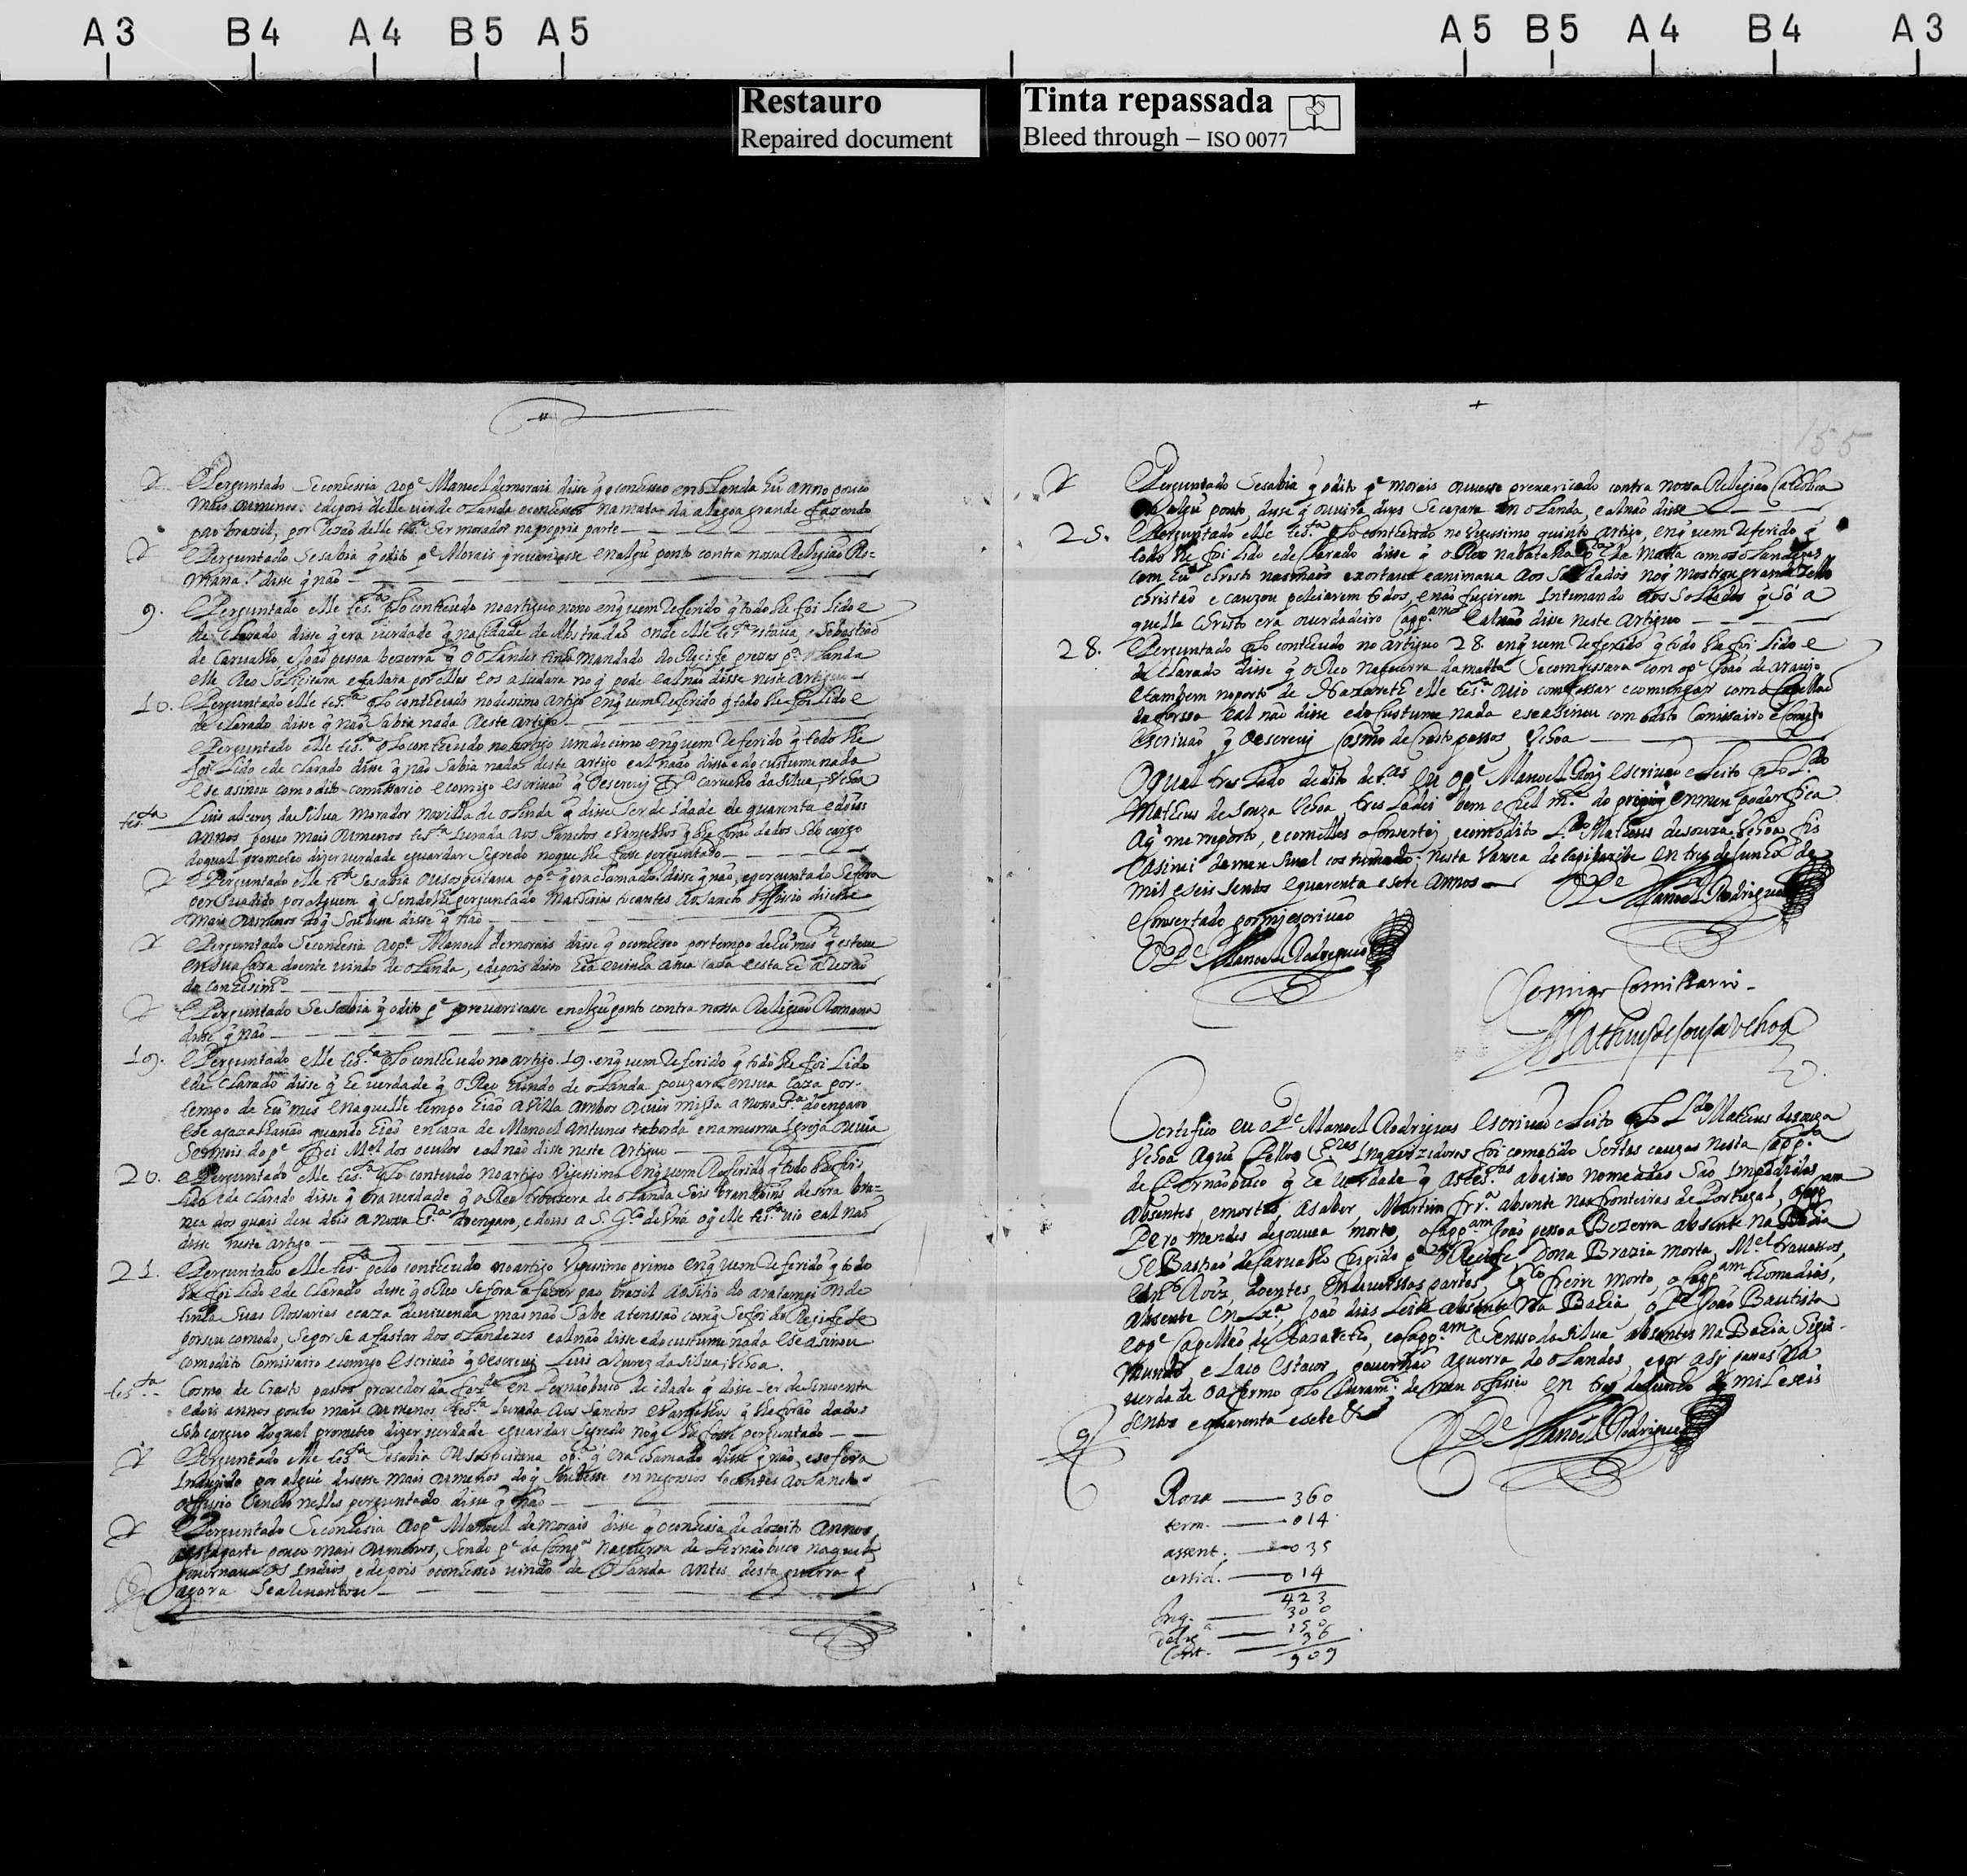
item E Perguntado Se conhessia ao pe Manoel de morais disse q̄ o conhesseo en olanda hū anno pouco
mais ou menos. e depois delle uir de olanda o conhesseo na mata da alegoa grande fazendo
pao brazil, por Rezaõ delle tes.ta Ser morador na propria parte
item E Perguntado Se sabia q̄ o dito pe Morais preuaricasse en algū ponto contra nossa Relligiaõ Ro
mana? disse q̄ não
9. E Perguntado elle tes.ta plo contheudo no artiguo nono en q̄ uem Referido q̄ todo lhe foi lido e
declarado disse q̄ era uerdade q̄ na Cidade de Abstradaõ onde elle testa estaua, e Sebastiaõ
de Carualho, e Joaõ pessoa bezerra q̄ o olandes tinha mandado do Recife prezos p.a olanda
elle Reo solicitara e falara por elles e os aiudara no q̄ pode e al naõ disse neste artiguo
10. E Perguntado elle tes.ta p̄lo contheudo no dessimo artigo en q̄ uem Referido q̄ todo lhe foi lido e
declarado disse q̄ não sabia nada neste artigo.
E Perguntado elle tes.ta plo contheudo no artigo umdecimo en q̄ uem Referido q̄ todo lhe
foi Lido e declarado disse q̄ não sabia nada deste artigo e al naão disse e do custume nada
E se asinou com o dito comissario e comigo escriuaõ q̄ O escreuj Frco carualho da Silua, Vchoa
tes.ta Luis aluerez da Silua morador na villa de olinda q̄ disse ser de Idade de quarenta e dous
annos pouco mais ou menos tes.ta Iurada aos Sanctos eVangelhos q̄ lhe foraõ dados sob cargo
do qual prometeo dizer uerdade e guardar Segredo no que lhe fosse perguntado
item E Perguntado elle teta se sabia ou sospeitaua o p.a q̄ era chamado? disse q̄ naõ, e perguntado se fora
persuadido por alguem q̄ Sendolhe perguntado Matherias tocantes ao Sancto offissio disesse
mais ou menos do q̄ Soubesse disse q̄ não
item E Perguntado Se conhesia ao p.e Manoel de morais disse q̄ o conheseo por tempo de hū mes q̄ esteue
en sua Caza doente uindo de olanda, e depois disto hia e uinha a sua casa e esta he a Rezaõ
do conhecimto
item E Perguntado Se sabia q̄ o dito pe preuaricasse en algū ponto contra nossa Religião Romana
disse q̄ não
19. E Perguntado elle tes.ta plo contheudo no artigo. 19. en q̄ uem Referido q̄ todo lhe foi Lido
e declarado disse q̄ he uerdade q̄ o Reo uindo de olanda pouzara en sua caza por
tempo de hū mes e naquelle tempo hiaõ a Villa ambos ouuir missa a nossa s.ra do enparo
e se agazalhauão quando hiaõ en caza de Manoel antunes taborda e na mesma Igreja ouuia
Sermois do pe frei M.el dos oculos e al naõ disse neste artiguo
20. e Perguntado elle testa plo conteudo no artigo Vigessimo en q̄ uem Referido q̄ todo lhe foi
lido e declarado disse q̄ era uerdade q̄ o Reo trouxera de olanda seis brandoins de sera bra
nca dos quais deu dois a nossa S.ra do enparo, e dous a S. G.lo de Vnā o q̄ elle testa uio e al naõ
disse neste artigo
21. E Perguntado elle testa pelo contheudo no artigo Vigessimo primo en q̄ uem Referido q̄ todo
lhe foi lido e declarado disse q̄ o Reo se fora a fazer pao brazil ao sitio do aratamgi onde
tinha suas Rossarias e caza de uiuenda mas não Sabe a tenssaõ com q̄ Se foi do Recife Se
por seu comodo, Se por se afastar dos olandezes e al não disse e do custume nada e se asinou
com o dito Comissairo e comigo Escriuaõ q̄ o escreuj Luis alurez da Silua Vchoa.
tes.ta Cosmo de Crasto passos prouedor da fazda en Pernãobuco de idade q̄ disse ser de sincoenta
e dois annos pouco mais ou menos tes.ta Iurada aos Sanctos eVangelhos q̄ lhe foraõ dados
Sob carguo do qual prometeo dizer uerdade e guardar segredo no q̄ lhe fosse perguntado
item E Perguntado elle testa Se sabia ou sospeitaua o p.a q̄ era chamado disse q̄ naõ, e se fora
Induzido por alguē disesse mais ou menos do q̄ soubesse en negossios tocantes ao sancto
offissio Sendo nelles perguntado disse q̄ naõ
item E Perguntado Se conhesia ao pe Manoel de morais disse q̄ o conhesia de dezoito annos
a esta parte pouco mais ou menos, Sendo pe da Compa na guerra de Pernaõbuco no qual
gouernauā os Indios e depois o conhesseo uindo de Olanda antes desta guerra q̄
agora Se aleuantou
item E Perguntado Se sabia q̄ o dito pe morais ouuesse preuaricado contra nossa Religiaõ Catholica
a algū ponto, disse q̄ ouuira dizer se cazara en olanda, e al naõ disse
25. E Perguntado elle testa plo contheudo no Vigessimo quinto artigo, en q̄ uem Referido q̄
todo lhe foi lido e deClarado, disse q̄ o Reo na batalha p.ra da matta com os olandezes
com hū christo nas maõs exortaua e animaua aos soldados no q̄ mostrou grande zello
christaõ e cauzou peleiarem todos, e naõ fugirem Intimando aos soldados q̄ só a
quelle Christo era o uerdadeiro Capp.am E al naõ disse neste artiguo
28. E Perguntado p̄lo contheudo no artiguo 28. en q̄ uem Referido q̄ todo lhe foi lido e
declarado disse q̄ o Reo na guerra da matta Se comfessara com o pe Joaõ de araujo
e tambem no porto de Nazareth elle tes.ta o uio comfessar e comungar com o Capellaõ
da forssa e al não disse e do Custume nada e se asinou com o dito Comissairo e Comigo
Escriuaõ q̄ o escreuj Cosmo de Crasto passos Vchoa
O qual traslado de dito de t.as eu o pe Manoel Roiz escriuaõ eLeito p̄Lo L.do
Matheus de souza Vchoa tresladei bem e fielm.te do propio en meu poder fica
a q̄ me rreporto, e com elles o Consertei, e com o dito L.do Matheus de souza Vchoa fis
E asinei de meu sinal costumado; nesta Varsea de capibaribe en tres de Junho de
mil e seissentos e quarenta e sete annos
O Pe Manoel Rodrigues
e Consertado por mj̄ escriuaõ
O Pe Manoel Rodrigues
E Comigo Comissario.
Matheus de sousa vchoa
Certifico eu o Pe Manoel Rodrigues escriuaõ eLeito plo Ldo Matheus de souza
Vchoa a quē Pellos S.ores Inquizidores foi cometido Sertas cauzas nesta Capp.ta
de Pernaõbuco q̄ he uerdade q̄ as tes.tas abaixo nomeadas São impedidas
absentes, e mortas, a saber, Martim frr.a absente nas fronteiras de Portugal, o Cappam
Pero mendes de gouuea morto, o Capp.am Joaõ pessoa Bezerra absente na Bahia
SeBastiaõ de Carualho fugido p.a o Recife, Dona Brazia morta, M.el trauassos,
E Anto Roiz̄, doentes en diuerssas partes, Glo freire morto, o Cappam thome dias,
absente en Lx.a, João dias Leite absente na Bahia, o P.e Joaõ Bautista
e o pe Capellaõ de Nazareth, e o Capp.am aSensso da silua absentes na Bahia Segi
mundo, e Laco Estacor gouernaõ a guerra do olandes, e por asy passar na
uerdade o afirmo p̄lo Iuramto. de meu ofissio en tres de Junho de mil e seis
centos e quarenta e sete &
O Pe Manoel Rodrigues
Raza - 360
term. - 014
assent. - 035
certid. - 014
423
Inq. - 300
deliga - 150
Cont. - 36
909
